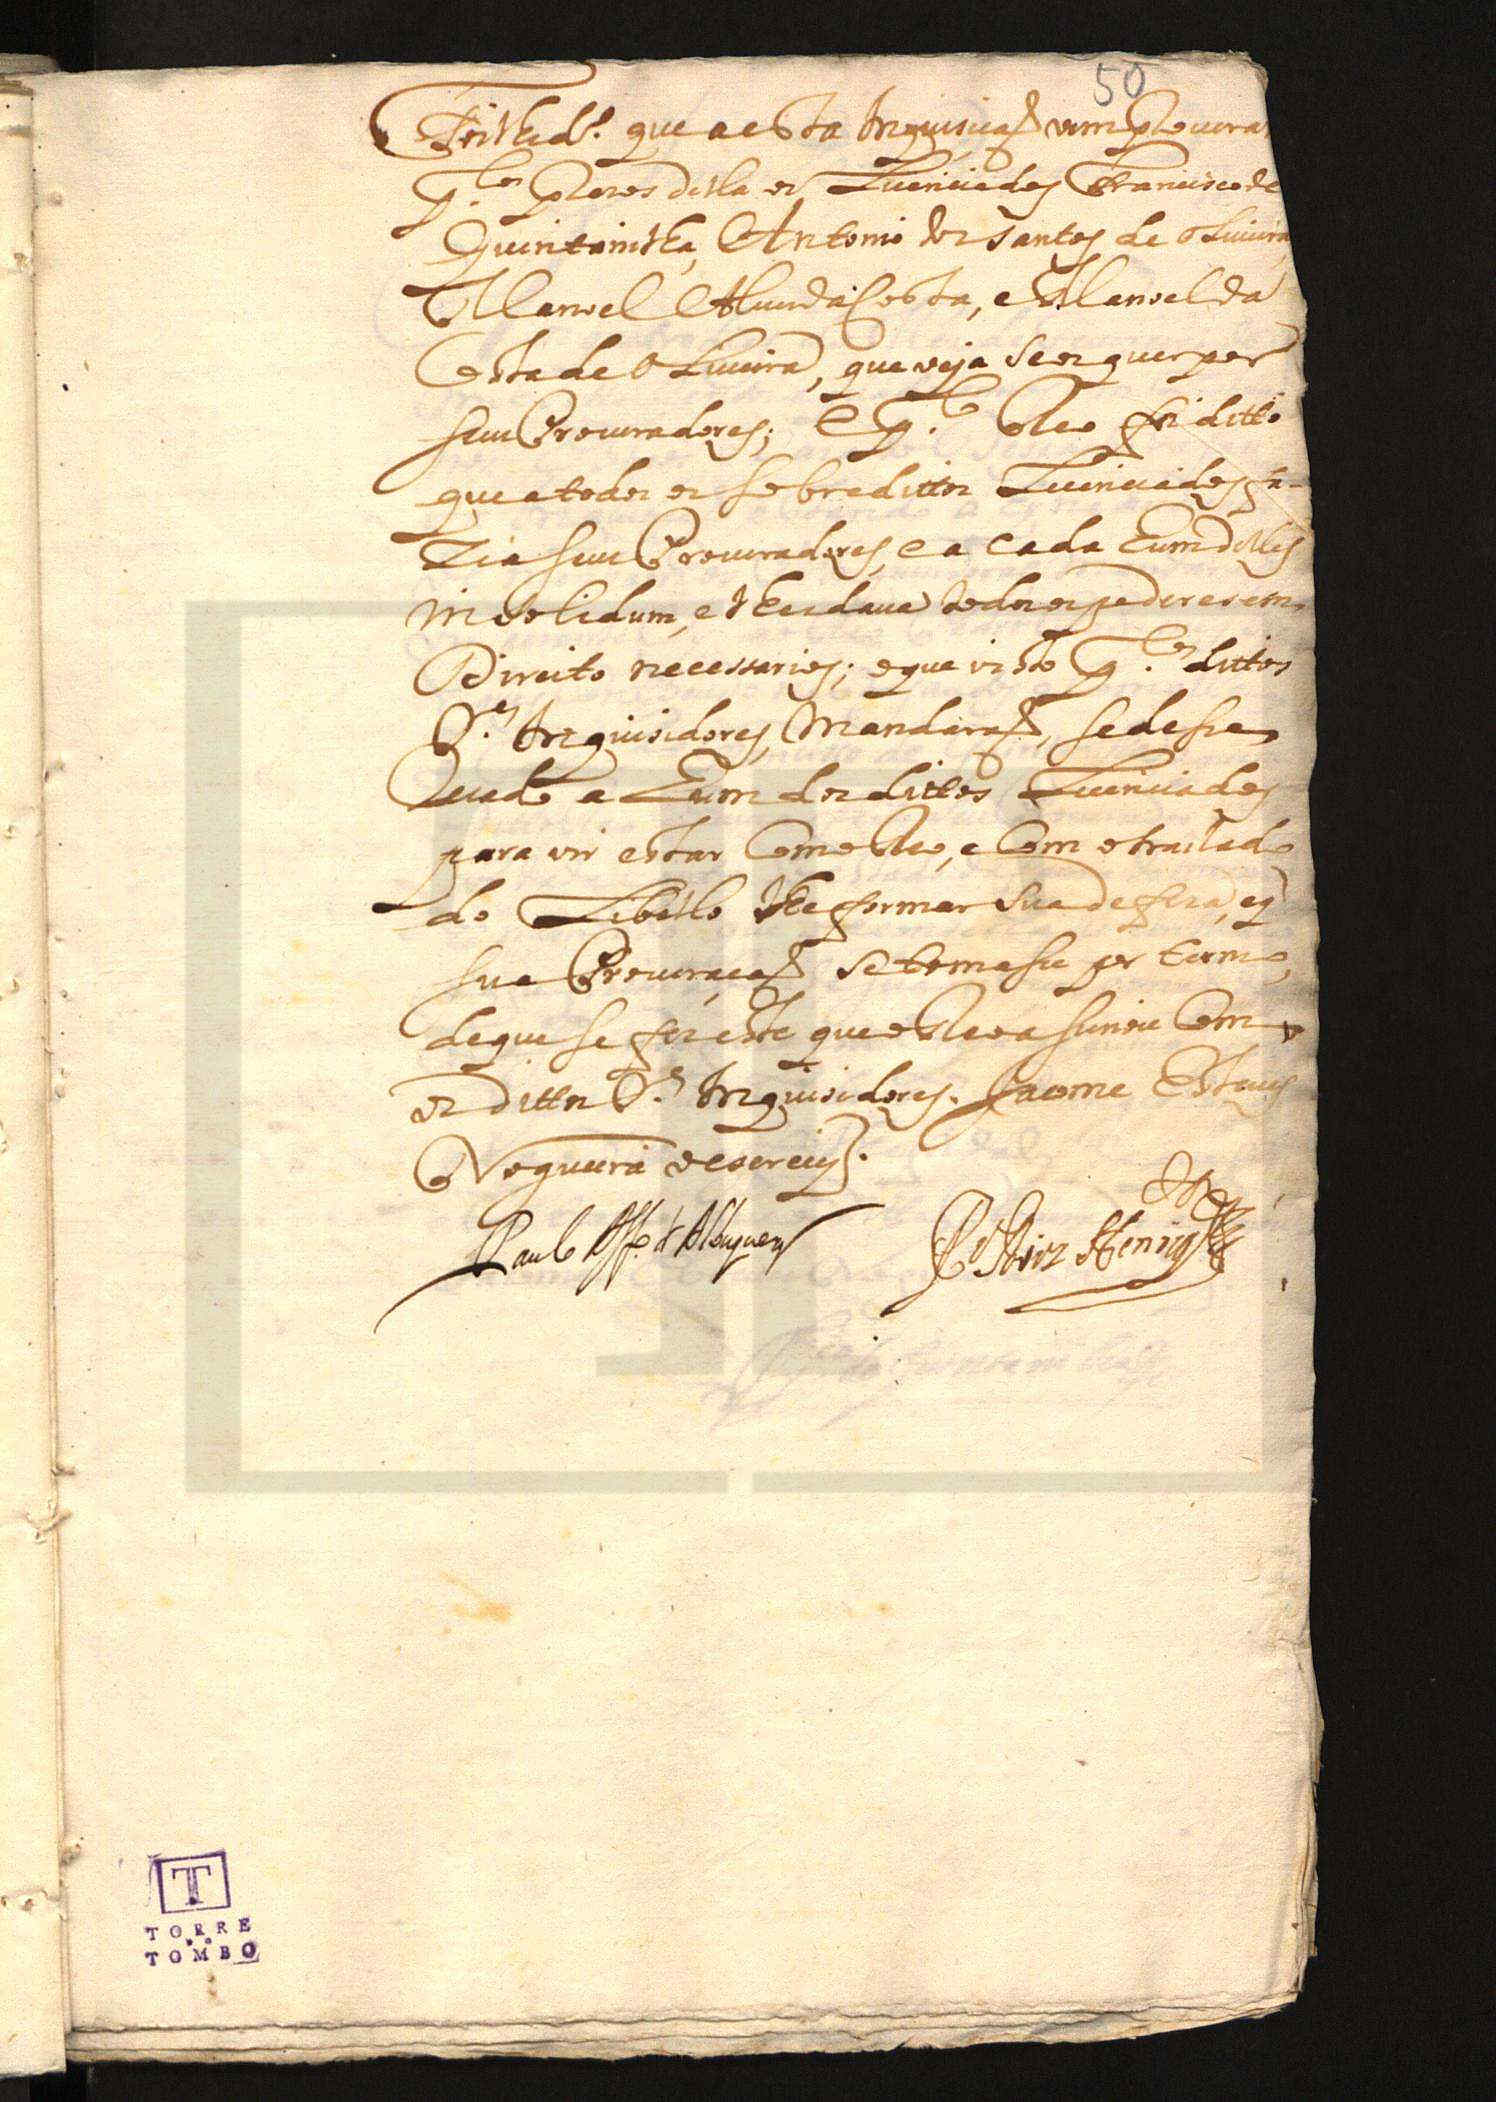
Foilhe d.o que a esta Inquisiçaõ vem procurar
p.los prezos della os Licenciados Francisco de
Quintanilha, Antonio dos santos de oLiveira,
Manoel Alues da Costa, e Manoel da
Costa de oLiueira, que veja se os quer por
seus Procuradores; e p.lo Reo foi ditto
que a todos os sobredittos Licenciados fa
Zia seus Procuradores, e a cada hum delles
in solidum, e lhes daua todos os poderes em
Direito necessarios; o que visto p.los dittos
s.res Inquisidores, Mandaraõ, se desse
Recado a hum dos dittos Licenciados
para vir estar Com o Reo, e Com o traslado
do Libello lhe formar sua defeza, e q̄
sua Procuraçaõ se tomasse por termo,
de que se fez este que o Reo asinou Com
os dittos s.res Inquisidores. Jacome Esteues
Nogueira o escreuj.
Paulo Aff.o d'Albuquerq̄
Po Roiz Henriq̄
